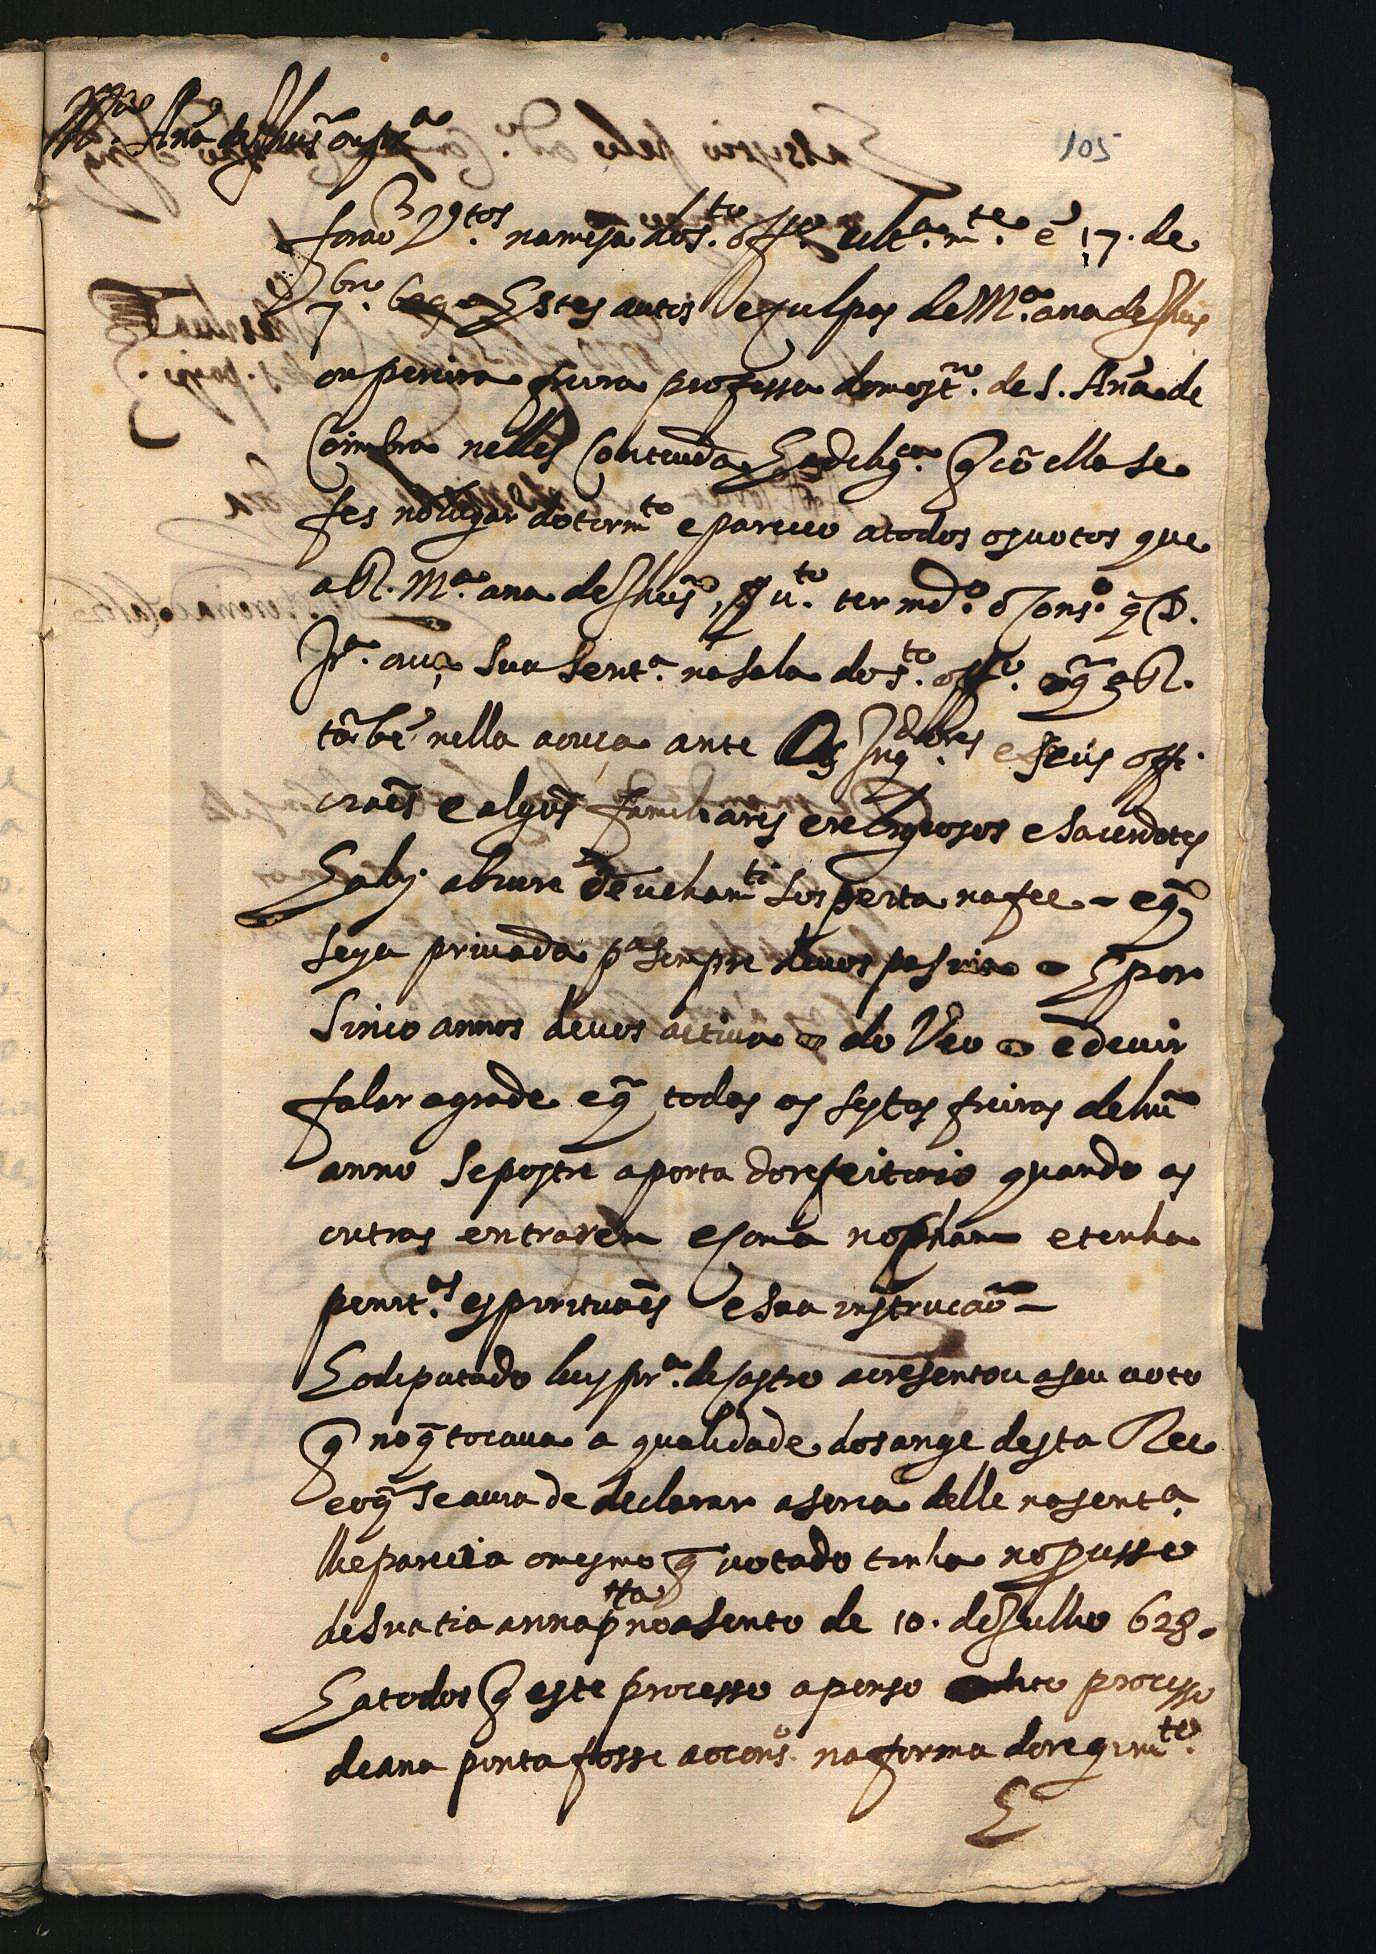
M.a Anā de Jhus̄ ou pra
foraõ V.tos na mesa do s.to offo. ult.am.te ē 17. de
7bro. 629 Estes autos e Culpas de M.a ana de Jhus
ou pereira freira professa do mostro. de S. Anā de
Coimbra nelles Conteuda E a deligca. q̄ cō ella se
fes no lugar do tormto e pareceo a todos os uotos que
a R. M.a ana de Jhus̄, q u.to ter md.o o Cons.o q̄ D.
Jra. ouça sua sent.a na sala do s.to offo. e q̄ a R.
tābē nella a ouça ante Os Jnqdo.res e seus offi
ciaēs e algūs familiares e religiosos e sacerdotes
E alj abiure de uehemti sospeita na fee - e q̄
seya priuada pa sempre de uos pasiua - E por
sinco annos de uos actiua e do Veo - e de uir
falar a grade e q̄ todas as sestas freiras de hū
anno se postre a porta do refeitorio quando as
outras entrarem e Coma no Cham e tenha
penit.as espirituaēs e sua instruçaõ -
E o deputado luis pr.a de Castro acresentou a seu uoto
q̄ no q̄ tocaua a qualidade do sange desta Ree
e o q̄ se auia de declarar aserca delle na sent.a
lhe parecia o mesmo q̄ uotado tinha no ꝓcesso
de sua tia anna pta no asento de 10. de Julho 628.
E a todos q̄ este processo apenso _ dito processo
de ana pinta fosse ao cons.o na forma do regimto.
E
